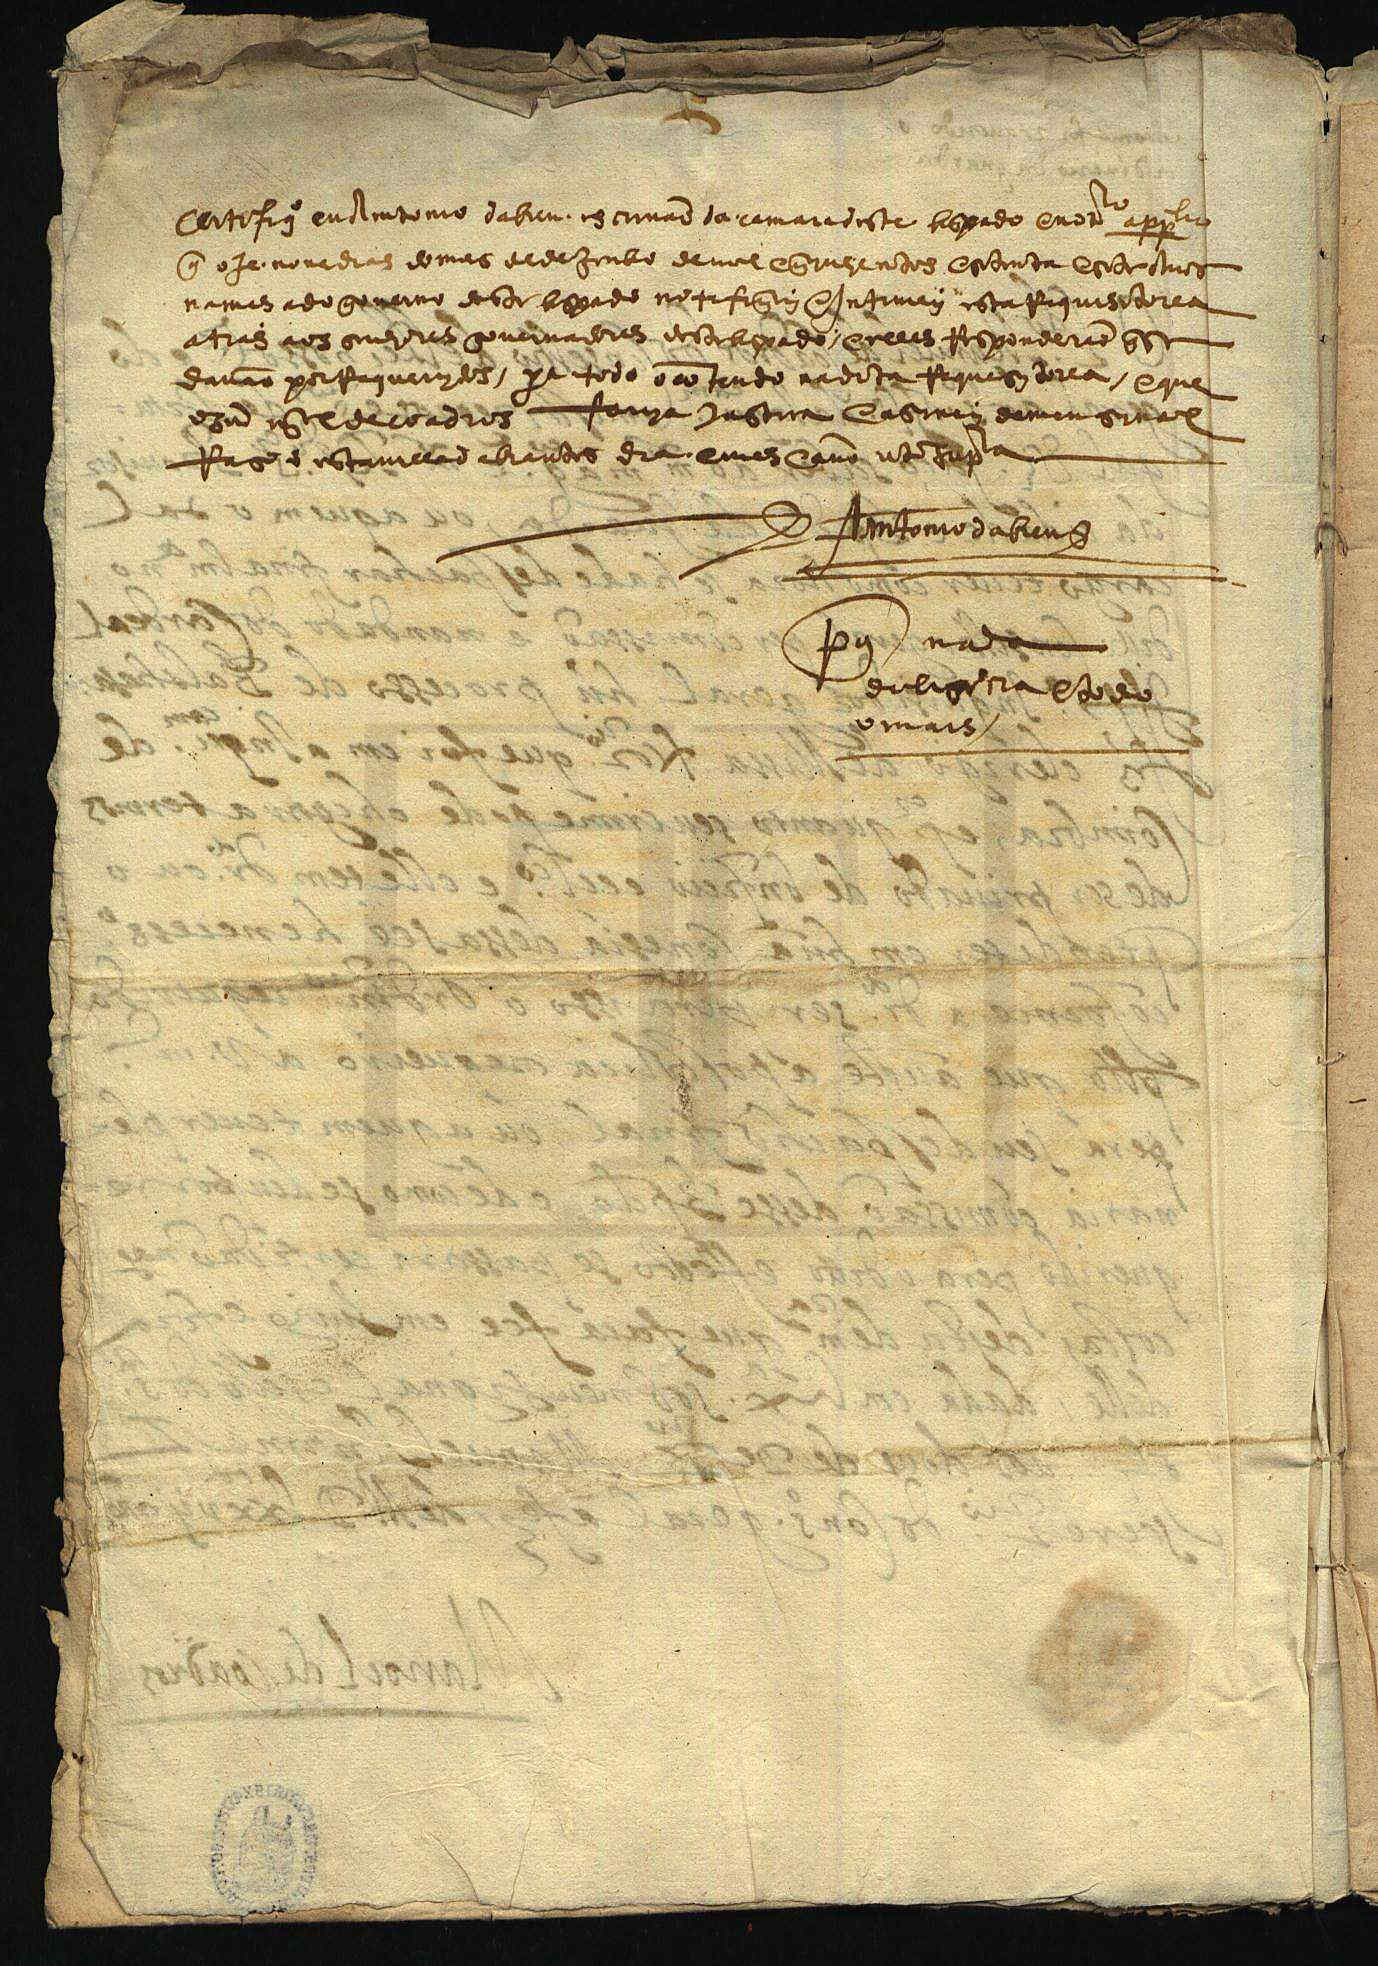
certifiqo eu Amtonio dabreu escriuão da camara deste bispado e notro applico
q̄ oJe noue dias do mes de dezenbro de mil e q̄jnhentos e setenta e sete Anos
na mesa do gouerno deste bispado notifiq̄ey e Jntimey esta Requisitorea
atras aos senhores gouernadores deste bispado / e elles Responderão q̄ se
dauão por Requerydos / ꝑa todo o c̄oteudo na dita Requisytorea / e que
o sōr mel de coadros farya Justiça e asiney de meu sinal
Raso ē esta uilla d̄ abrantes dia e mes e āno ut supra
Amtonio dabreu
pḡ nada
deligēcia e todo
o mais /
